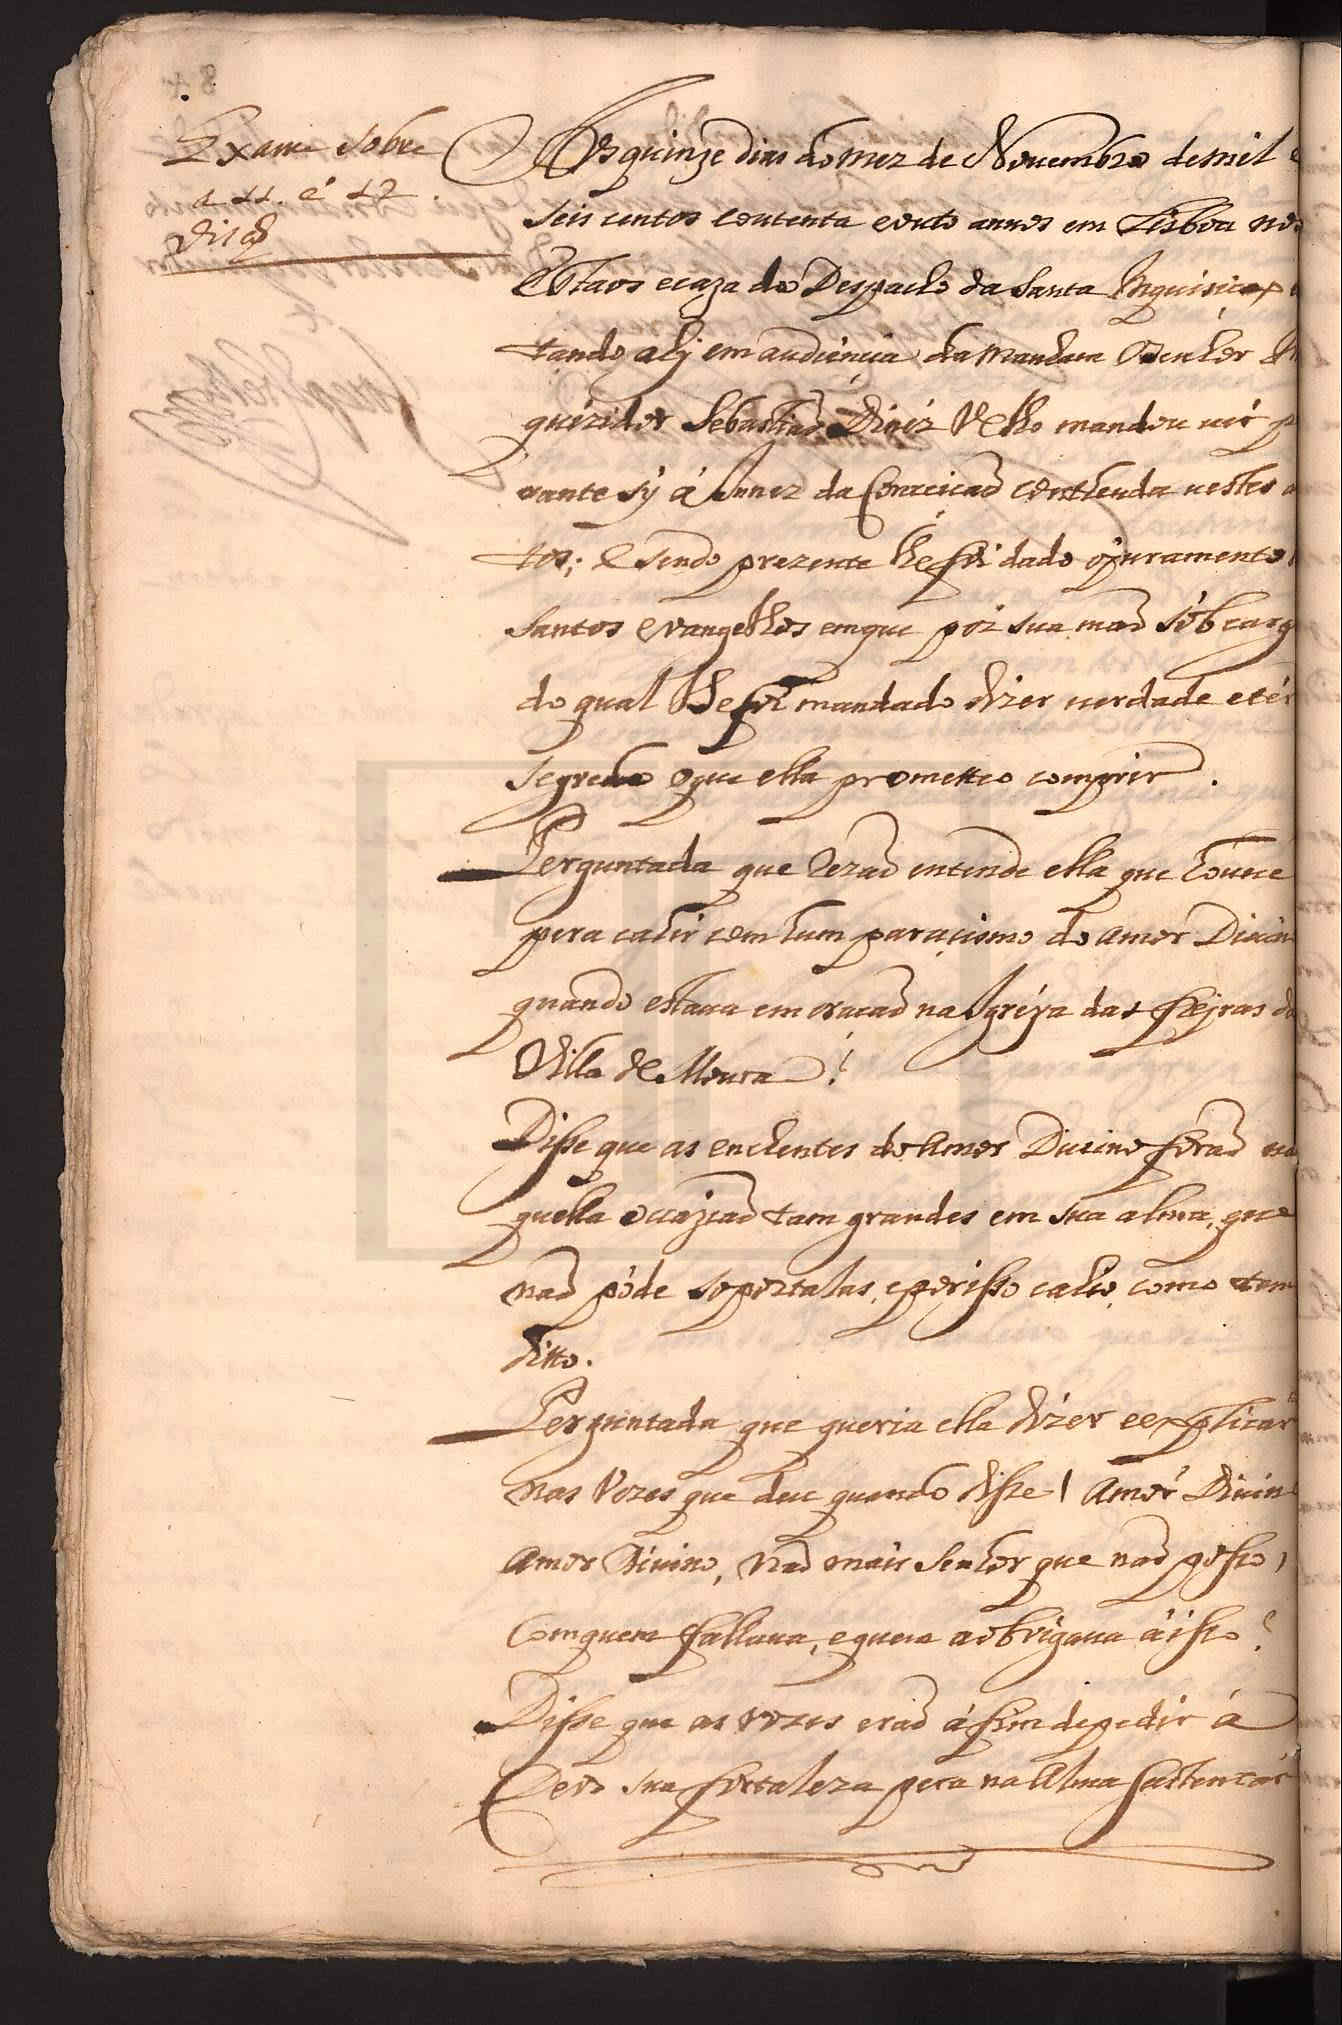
Exame sobre
a 11. e 12
vizaõ
Aos quinze dias do mez de Nouembro de mil e
seiscentos e outenta e outo annos em Lisboa nos
Estaos e caza do Despacho da Santa Inquisiçaõ
tando ahy em audiencia da manham O senhor In
quizidor Sebastiaõ Diniz Velho mandou uir p
rante sy a Innez da Conceiçaõ contheuda nestes a
tos; E sendo prezente lhe foi dado o juramento
Santos evangelhos em que poz sua maõ sob carg
do qual lhe foi mandado dizer uerdade e ter
Segredo o que ella prometteo comprir
Perguntada que Rezaõ entende ella que houue
pera cahir com hum paracismo do amor Diuino
quando estaua em oraçaõ na Igreya das frejras da
Villa de Moura?
Disse que as enchentes do amor Diuino foraõ na
quella occaziaõ tam grandes em sua alma, que
naõ póde soportalas, e por isso cahio, como tem
ditto.
Perguntada que queria ella dizer e explicar
nas Vozes que deu quando disse (amor Diuino
amor Diuino, naõ mais Senhor que naõ posso)
com quem fallaua, e quem a obrigaua a isso?
Disse que as vozes eraõ á fim de pedir á
Deos sua fortaleza pera na Alma sustentar
